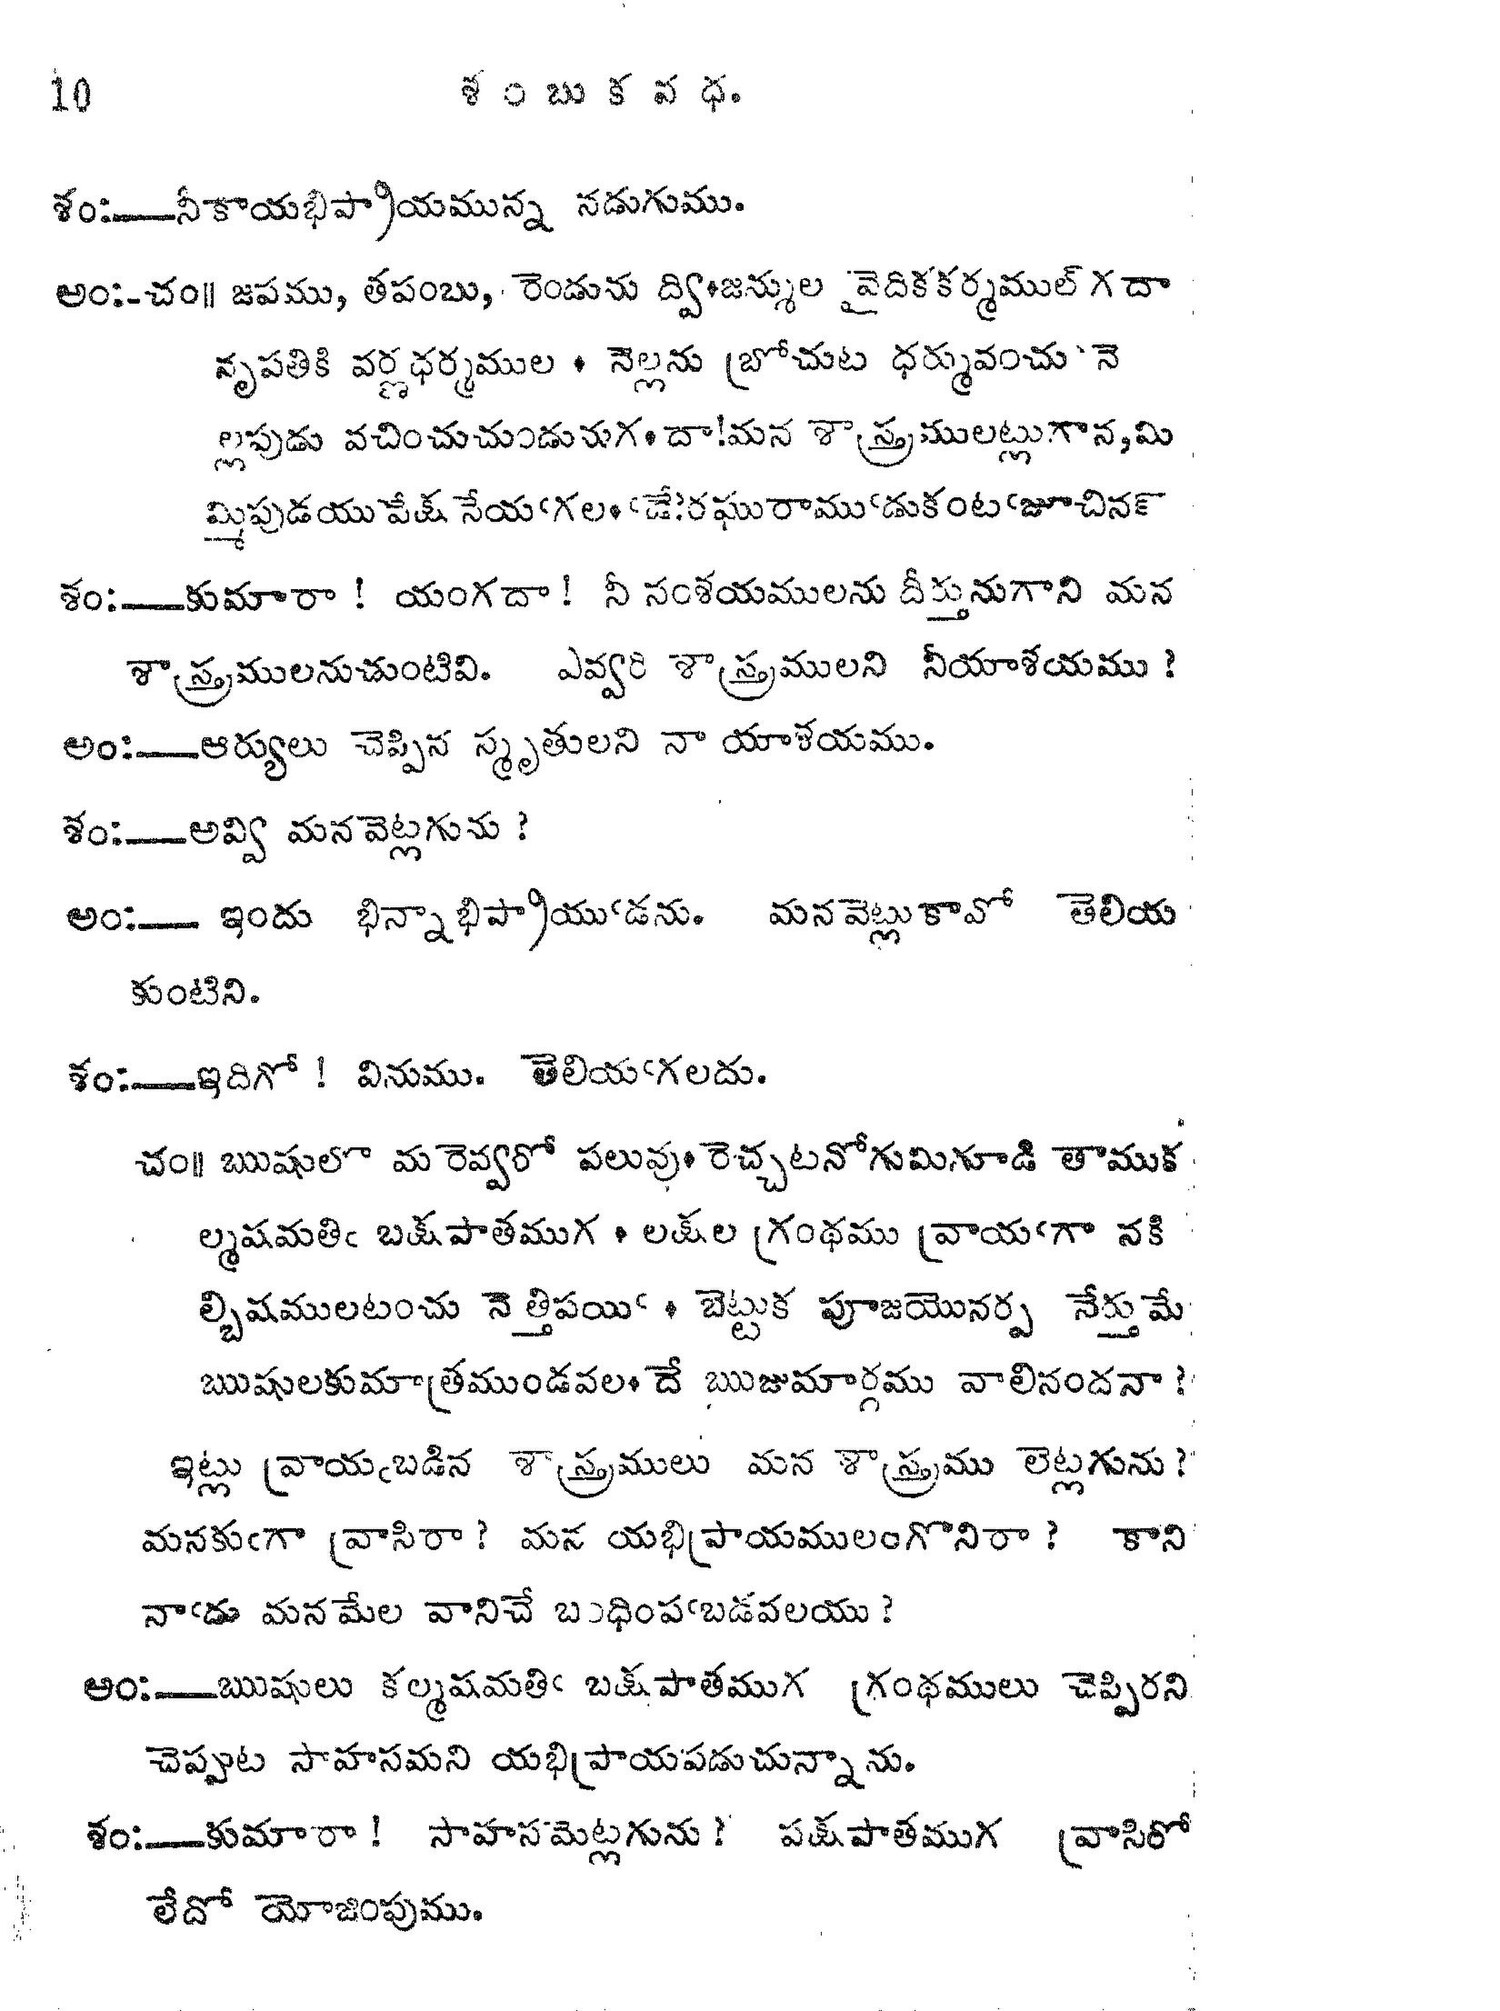శం:-- నీ కాయభిప్రాయమున్న నడుగుము.

అం:-చం|| జపము, తపంబు, రెండును ద్విజన్ముల 'వైదిక కర్మముల్ గదా
 నృపతికి వర్ణ ధర్మముల సెల్లను బ్రోచుట ధర్మువంచు ' నె
 ల్లపుడు వచించు చుండునుగ దా!మన శాస్త్రములట్లుగాన,మి
 మిపుడయు పేక్ష సేయగల డే రఘురాముఁడు కంటఁజూచినన్ ?"

శం:__కుమారా ! యంగదా ! నీ సంశయములను దీర్తును గాని మన
 శాస్త్రములను చుంటివి. ఎవ్వరి శాస్త్రములని నీయాశయము ?

అం:-ఆర్యులు చెప్పిన స్మృతులని నా యాశయము.

శం:-- అవ్వి మన వెట్లగును ?

అం:- ఇందు భిన్నాభిప్రాయుఁడను. మన మెట్లు కావో తెలియ
 కుంటిని.

శం:--ఇదిగో ! వినుము. తెలియఁ గలదు.

చం|| ఋషులో మరెవ్వరో పలువు. రెచ్చటనో గుమిగూడి తాముక
 ల్మషమతిఁ బక్షపాతముగ లక్షల గ్రంథము వ్రాయగా నకి
 ల్బిషములటంచు నెత్తిపయి బెట్టుక పూజయొనర్ప నేర్తు మే
 ఋషులకు మాత్రముండవల దే ఋజుమార్గము వాలినందనా !

 ఇట్లు వ్రాయబడిన శాస్త్రములు మన శాస్త్రము లెట్లగును ?
 మనకుఁగా వ్రాసిరా ! మన యభిప్రాయములం గొనిరా ?
 నాఁడు మనమేల వానిచే బుధింపఁ బడవలయు !

ఆం:ఋషులు కల్మషమతిఁ బక్షపాతముగ గ్రంథములు చెప్పిరని
 చెప్పుట సాహసమని యభిప్రాయపడు చున్నాను.

శం: కుమారా ! సాహస మెట్లగును ! పక్షపాతముగ వ్రాసిరో
 లేదో యోజింపుము.